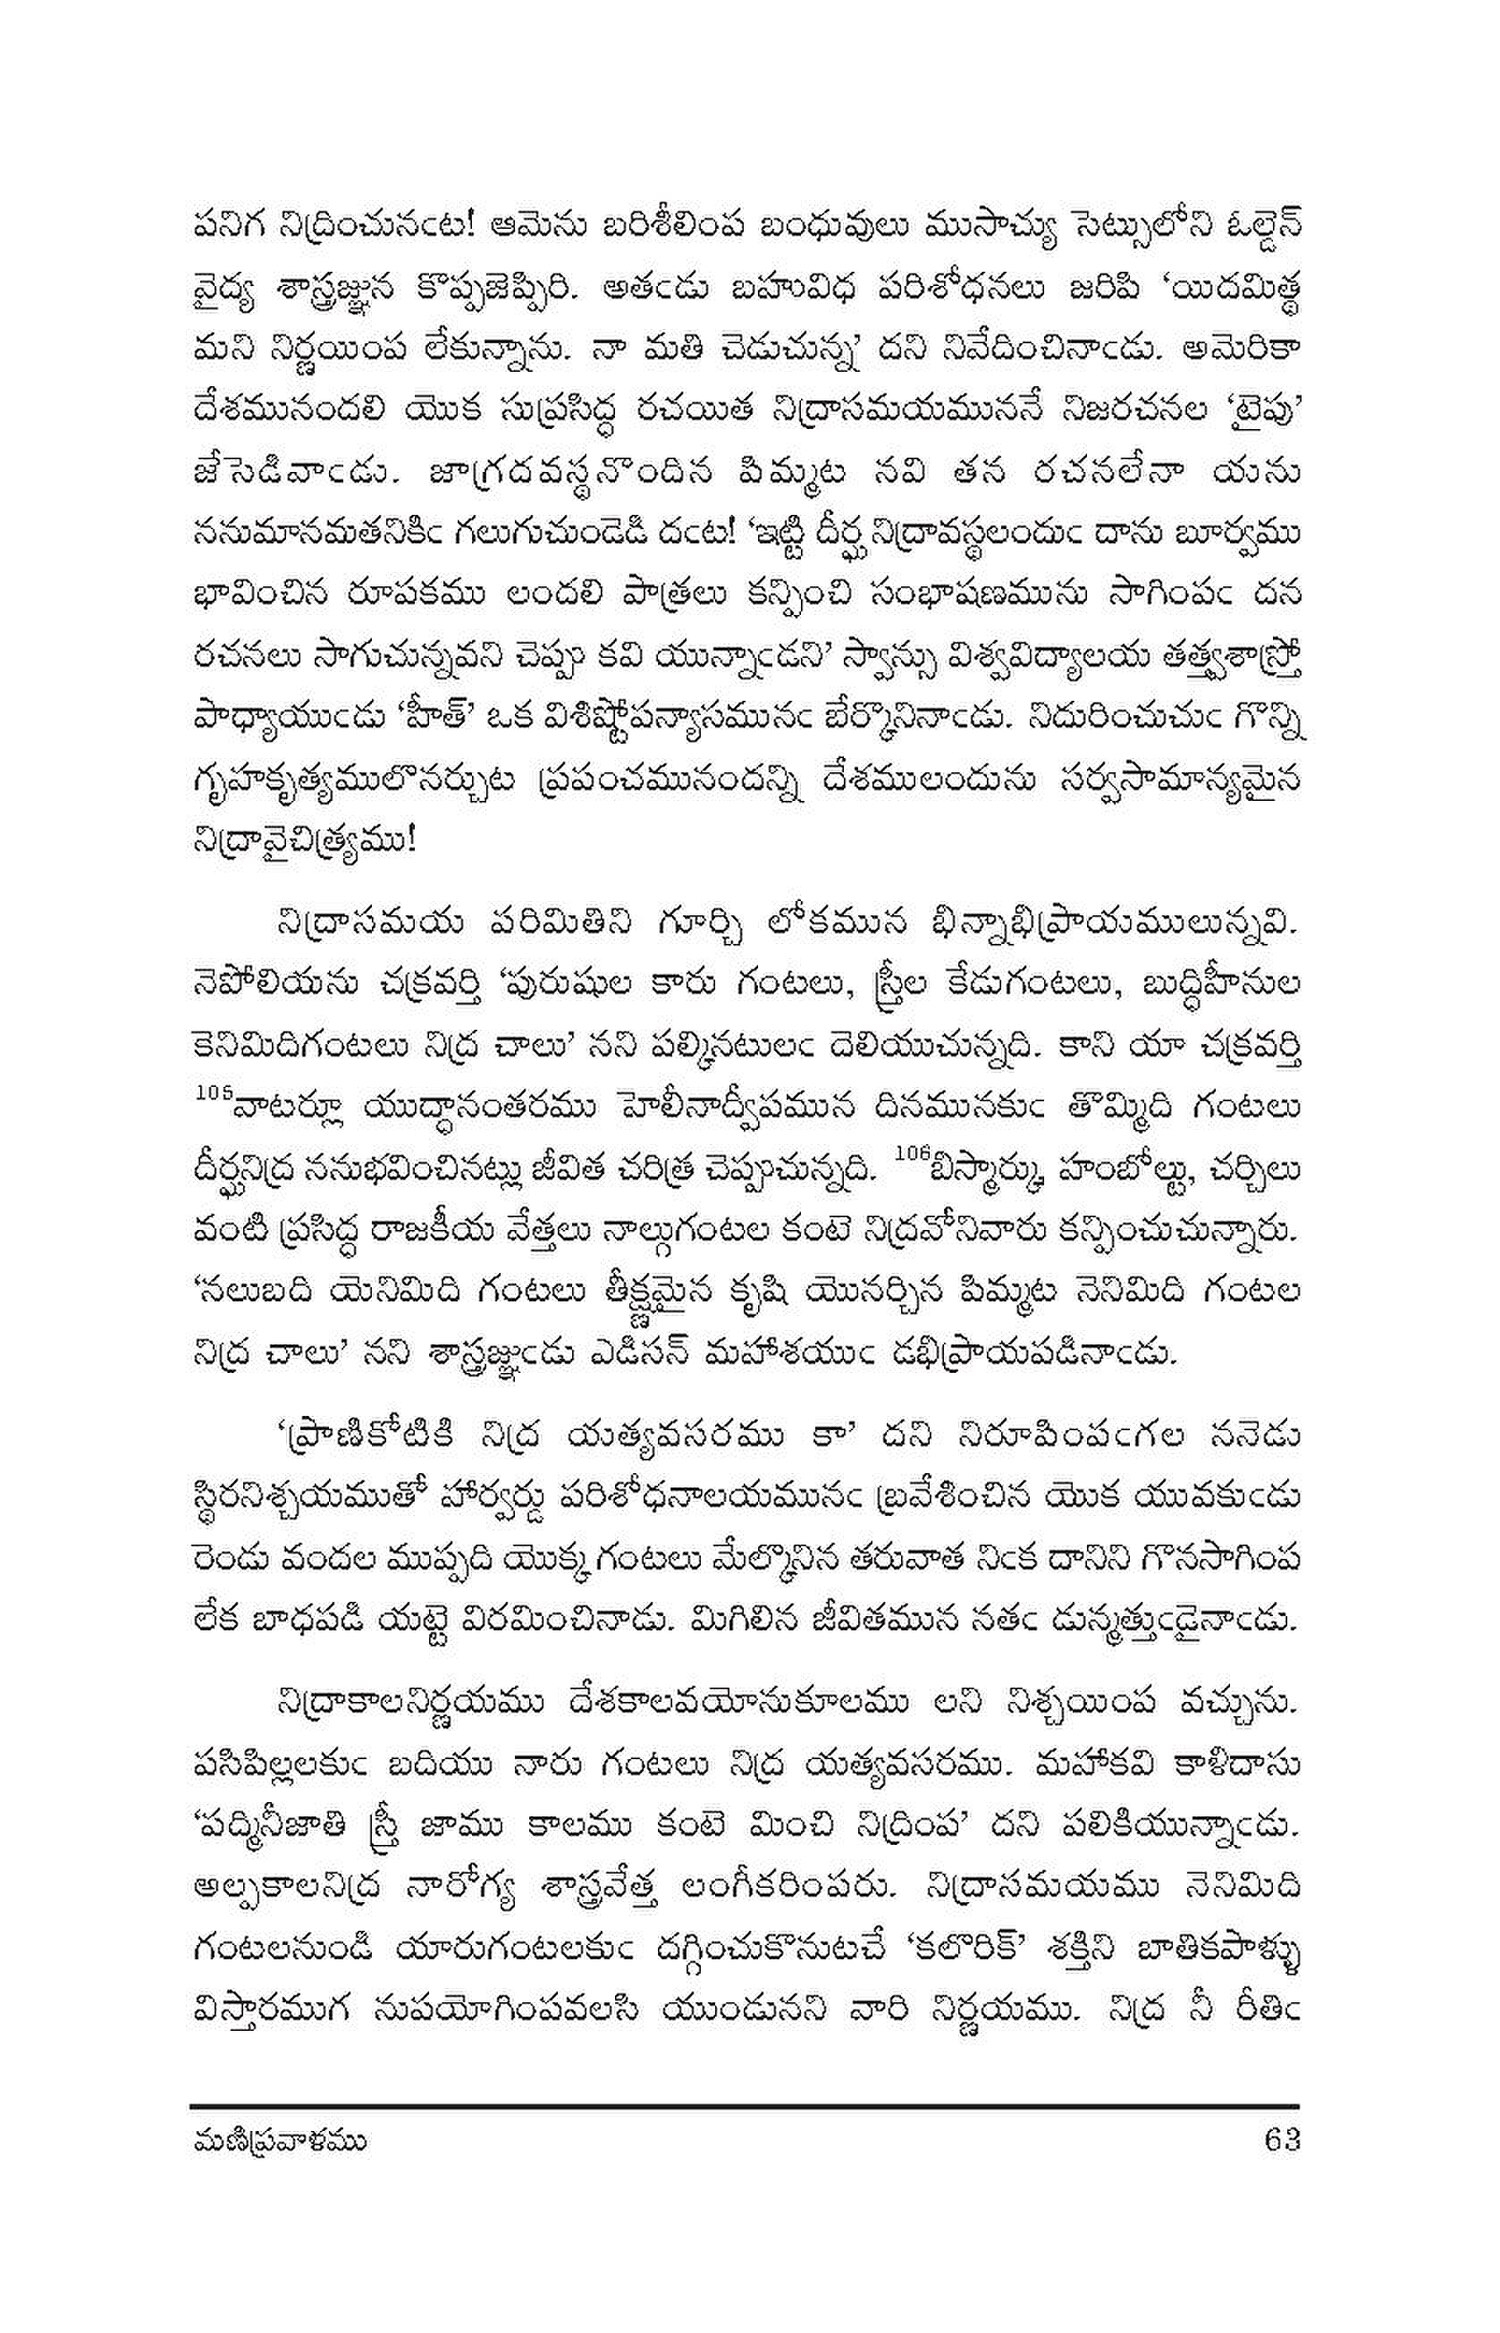పనిగ నిద్రించునఁట! ఆమెను బరిశీలింప బంధువులు ముసాచ్యుసెట్సులోని ఓల్డెన్
వైద్య శాస్త్రజ్ఞున కొప్పజెప్పిరి. అతఁడు బహువిధ పరిశోధనలు జరిపి 'యిదమిత్థ
మని నిర్ణయింప లేకున్నాను. నా మతి చెడుచున్న' దని నివేదించినాఁడు. అమెరికా
దేశమునందలి యొక సుప్రసిద్ధ రచయిత నిద్రాసమయముననే నిజరచనల 'టైపు’
జేసెడివాఁడు. జాగ్రదవస్థనొందిన పిమ్మట నవి తన రచనలేనా యను
ననుమానమతనికిఁ గలుగుచుండెడి దఁట! 'ఇట్టి దీర్ఘ నిద్రావస్థలందుఁ దాను బూర్వము
భావించిన రూపకము లందలి పాత్రలు కన్పించి సంభాషణమును సాగింపఁ దన
రచనలు సాగుచున్నవని చెప్పు కవి యున్నాఁడని' స్వాన్సు విశ్వవిద్యాలయ తత్త్వశాస్త్రో
పాధ్యాయుఁడు 'హీత్' ఒక విశిష్టోపన్యాసమునఁ బేర్కొనినాఁడు. నిదురించుచుఁ గొన్ని
గృహకృత్యములొనర్చుట ప్రపంచమునందన్ని దేశములందును సర్వసామాన్యమైన
నిద్రావైచిత్య్రము!

నిద్రాసమయ పరిమితిని గూర్చి లోకమున భిన్నాభిప్రాయములున్నవి.
నెపోలియను చక్రవర్తి 'పురుషుల కారు గంటలు, స్త్రీల కేడుగంటలు, బుద్ధిహీనుల
కెనిమిదిగంటలు నిద్ర చాలు' నని పల్కినటులఁ దెలియుచున్నది. కాని యా చక్రవర్తి
వాటర్లూ యుద్ధానంతరము హెలీనాద్వీపమున దినమునకుఁ తొమ్మిది గంటలు
దీర్ఘనిద్ర ననుభవించినట్లు జీవిత చరిత్ర చెప్పుచున్నది.బిస్మార్కు, హంబోల్టు, చర్చిలు
వంటి ప్రసిద్ధ రాజకీయ వేత్తలు నాల్గుగంటల కంటే నిద్రవోనివారు కన్పించుచున్నారు.
'నలుబది యెనిమిది గంటలు తీక్ష్ణమైన కృషి యొనర్చిన పిమ్మట నెనిమిది గంటల
నిద్ర చాలు' నని శాస్త్రజ్ఞుఁడు ఎడిసన్ మహాశయుఁ డభిప్రాయపడినాఁడు.

'ప్రాణికోటికి నిద్ర యత్యవసరము కా' దని నిరూపింపఁగల ననెడు
స్థిరనిశ్చయముతో హార్వర్డు పరిశోధనాలయమునఁ బ్రవేశించిన యొక యువకుఁడు
రెండు వందల ముప్పది యొక్క గంటలు మేల్కొనిన తరువాత నిఁక దానిని గొనసాగింప
లేక బాధపడి యట్టె విరమించినాడు. మిగిలిన జీవితమున నతఁ డున్మత్తుఁడైనాఁడు.

నిద్రాకాలనిర్ణయము దేశకాలవయోనుకూలము లని నిశ్చయింప వచ్చును.
పసిపిల్లలకుఁ బదియు నారు గంటలు నిద్ర యత్యవసరము. మహాకవి కాళిదాసు
'పద్మినీజాతి స్త్రీ జాము కాలము కంటే మించి నిద్రింప' దని పలికియున్నాఁడు.
అల్పకాలనిద్ర నారోగ్య శాస్త్రవేత్త లంగీకరింపరు. నిద్రాసమయము నెనిమిది
గంటలనుండి యారుగంటలకుఁ దగ్గించుకొనుటచే 'కలొరిక్' శక్తిని బాతికపాళ్ళు
విస్తారముగ నుపయోగింపవలసి యుండునని వారి నిర్ణయము. నిద్ర నీ రీతిఁ